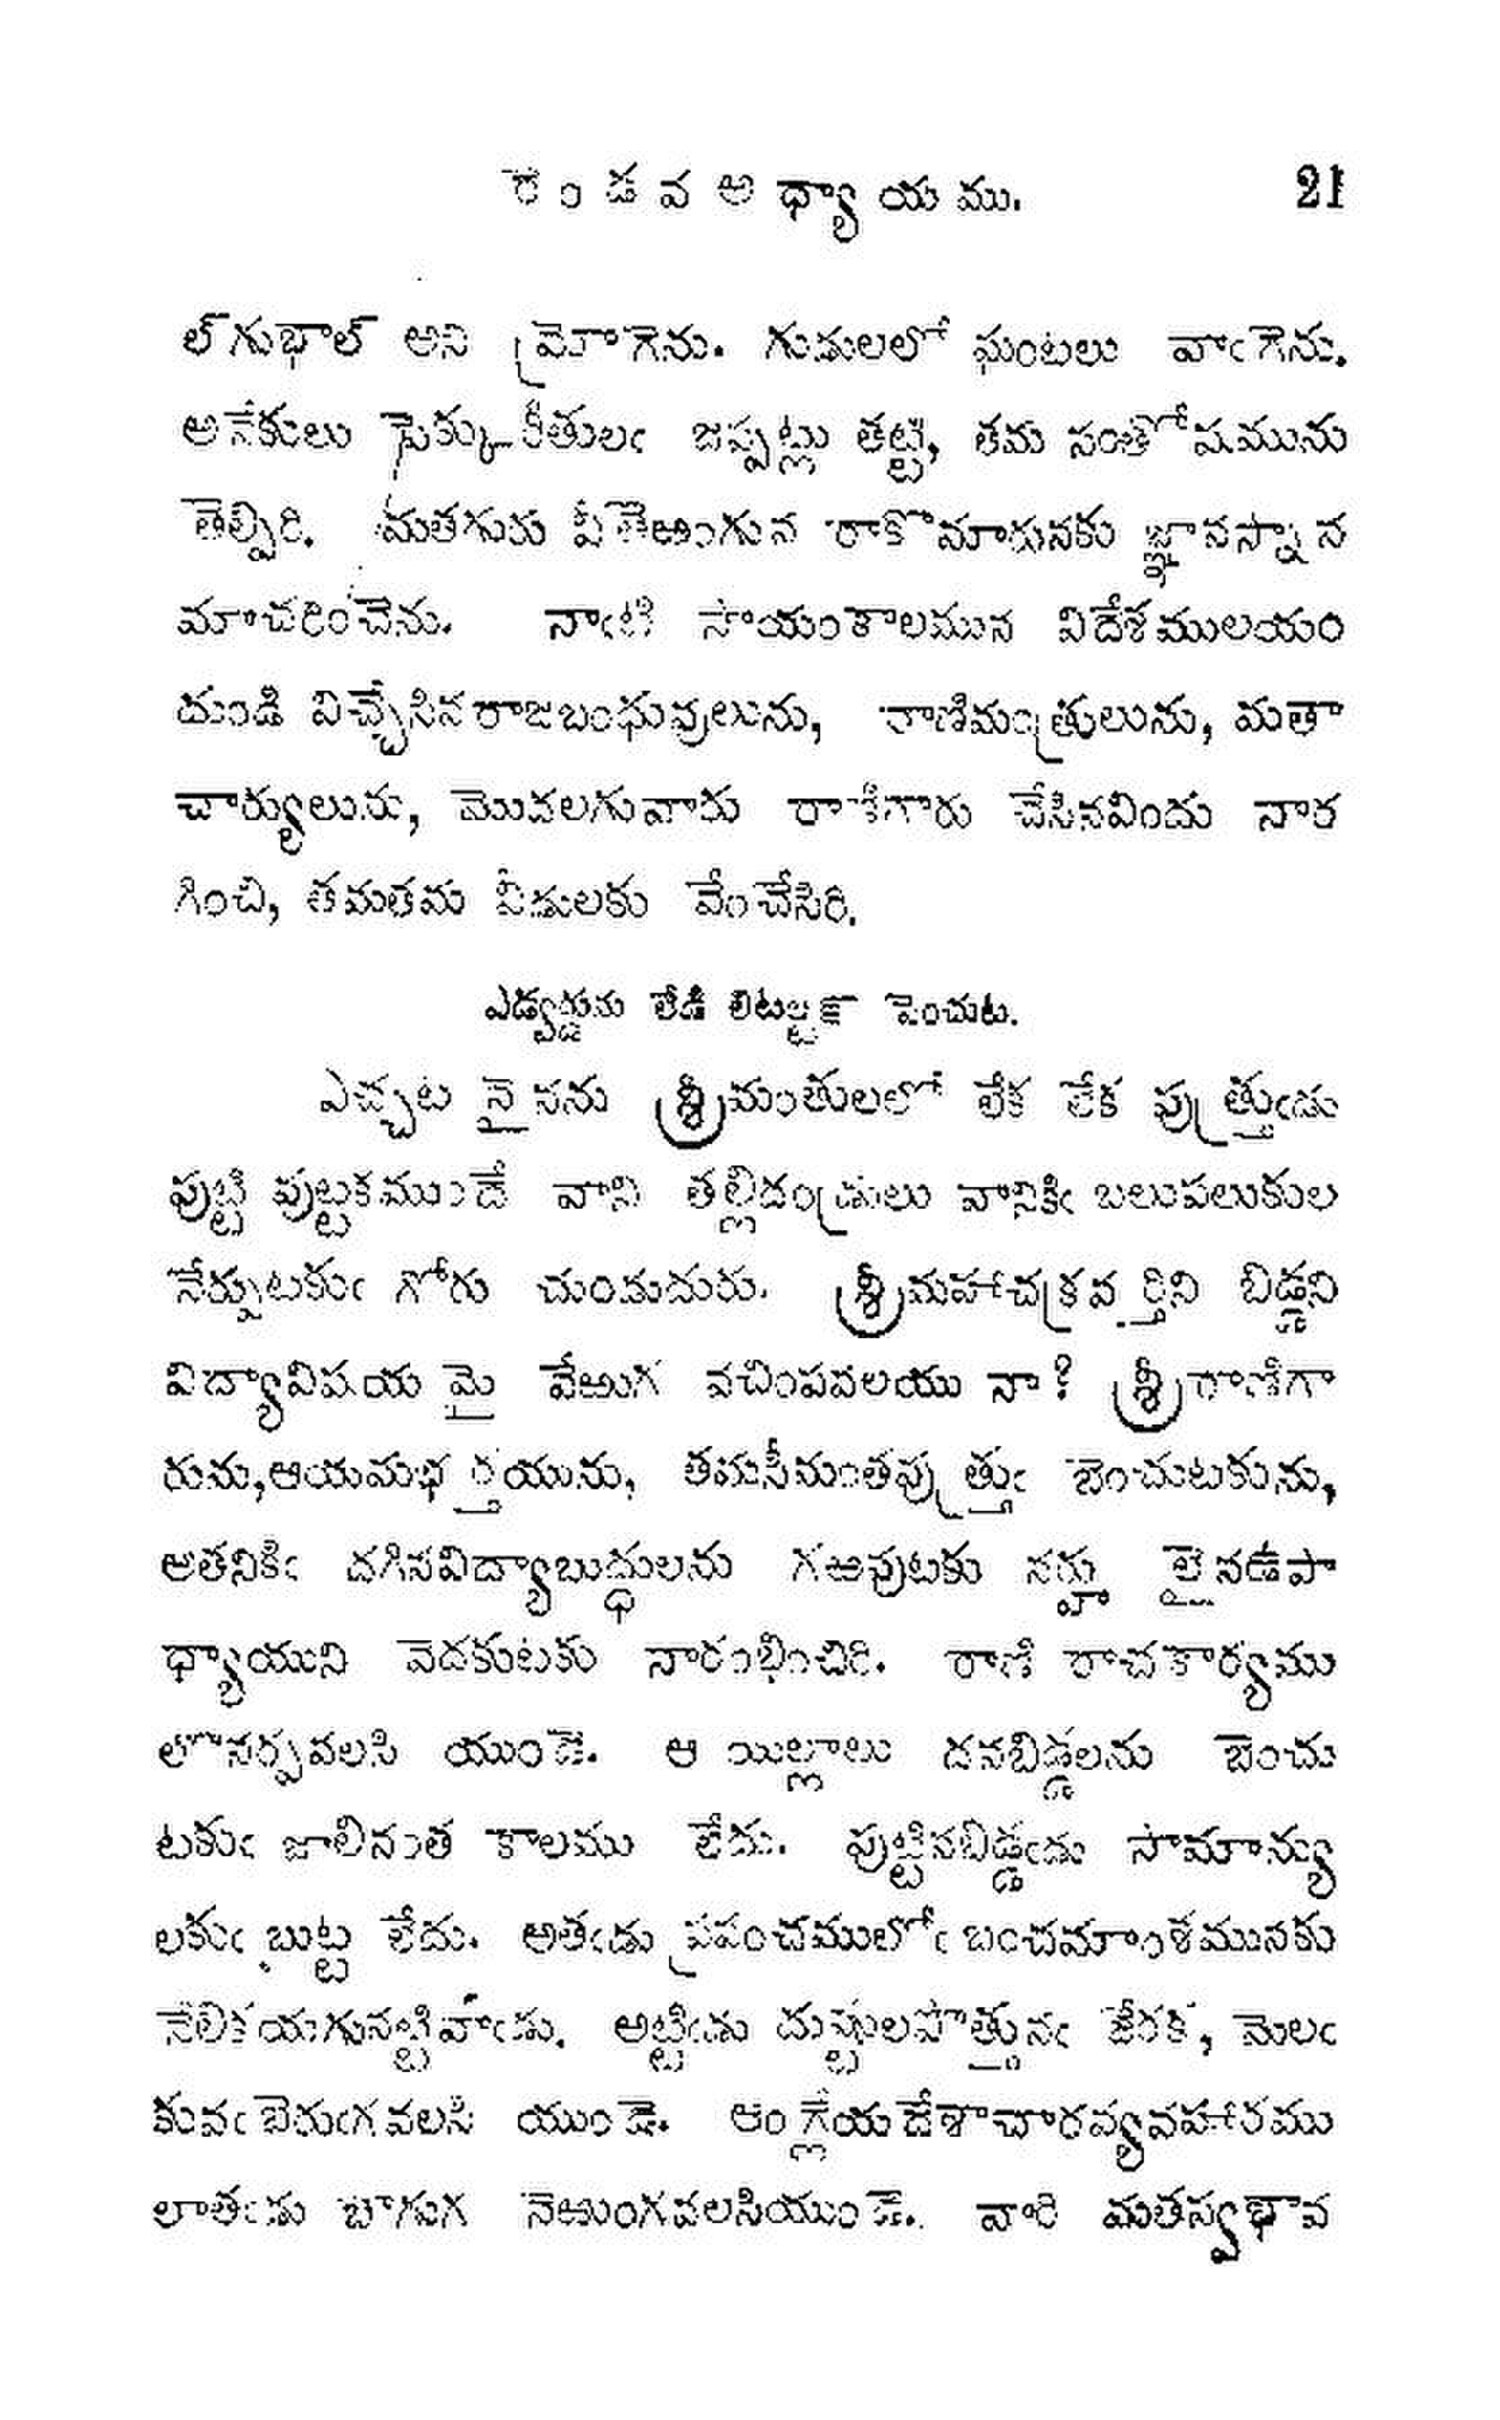ల్ గుభాల్ అని మ్రోగెను. గుడులలో ఘంటలు వాగెను.అనేకులు పెక్కు రీతుల జప్పట్లు తట్టి, తమ సంతోషమును తెల్పిరి. మతగురు వీ తెఱంగున 'రాకొమారునకు జ్ఞానస్నానమాచరించెను. నాటి సాయంకాలమున విదేశములయందుండి విచ్చేసిన రాజు బంధువులును, 'రాణిమంత్రులును, మతా
చార్యులును, మొదలగువారు రాణిగారు చేసినవిందు నారగించి, తమతమ వీడులకు వేంచేసిరి.

ఎచ్చట నైనను శ్రీముతులలో లేక లేక పుత్రుఁడుపుట్టి పుట్టక ముందే వాన్ని తల్లిదండ్రులు నానికి బలుపలుకుల నేర్చుటకుఁ గోరు చుంచుదురు. శ్రీమహాచక్రవర్తిని బిడ్డని విద్యావిషయ మై వేఱుగ వచింపవలయు నా ?శ్రీరాణీగారును,ఆయముభర్తయును, తమసీమ తపుత్రు: బెంచుటకును,
అతనికి దగినవిద్యాబుద్ధులను గఱపుటకు సర్హులైన ఉపాధ్యాయుని వెదకుటకు నారంభించిరి. రాణి రాచకార్యము "నర్పవలసి యుండె. ఆ యిల్లాలు డవబిడ్డలను బెంచుటకుఁ జాలినంత కాలము లేదు. పుట్టి సబిడ్డడు సామాన్యులకుఁ బుట్ట లేదు. అతఁడు ప్రపంచములోఁ బంచమాంశమునకు
నేలికయగుసట్టి వాడు. అట్టీడు దుష్టుల పొత్తునఁ జేరక, మెలఁకువబెరుఁగవలసి యుండె. ఆంగ్లేయ దేశాచార వ్యవహారములాత ను 'బాగుగ నెఱుంగవలసియుం డె.. వారి మతస్వభావ